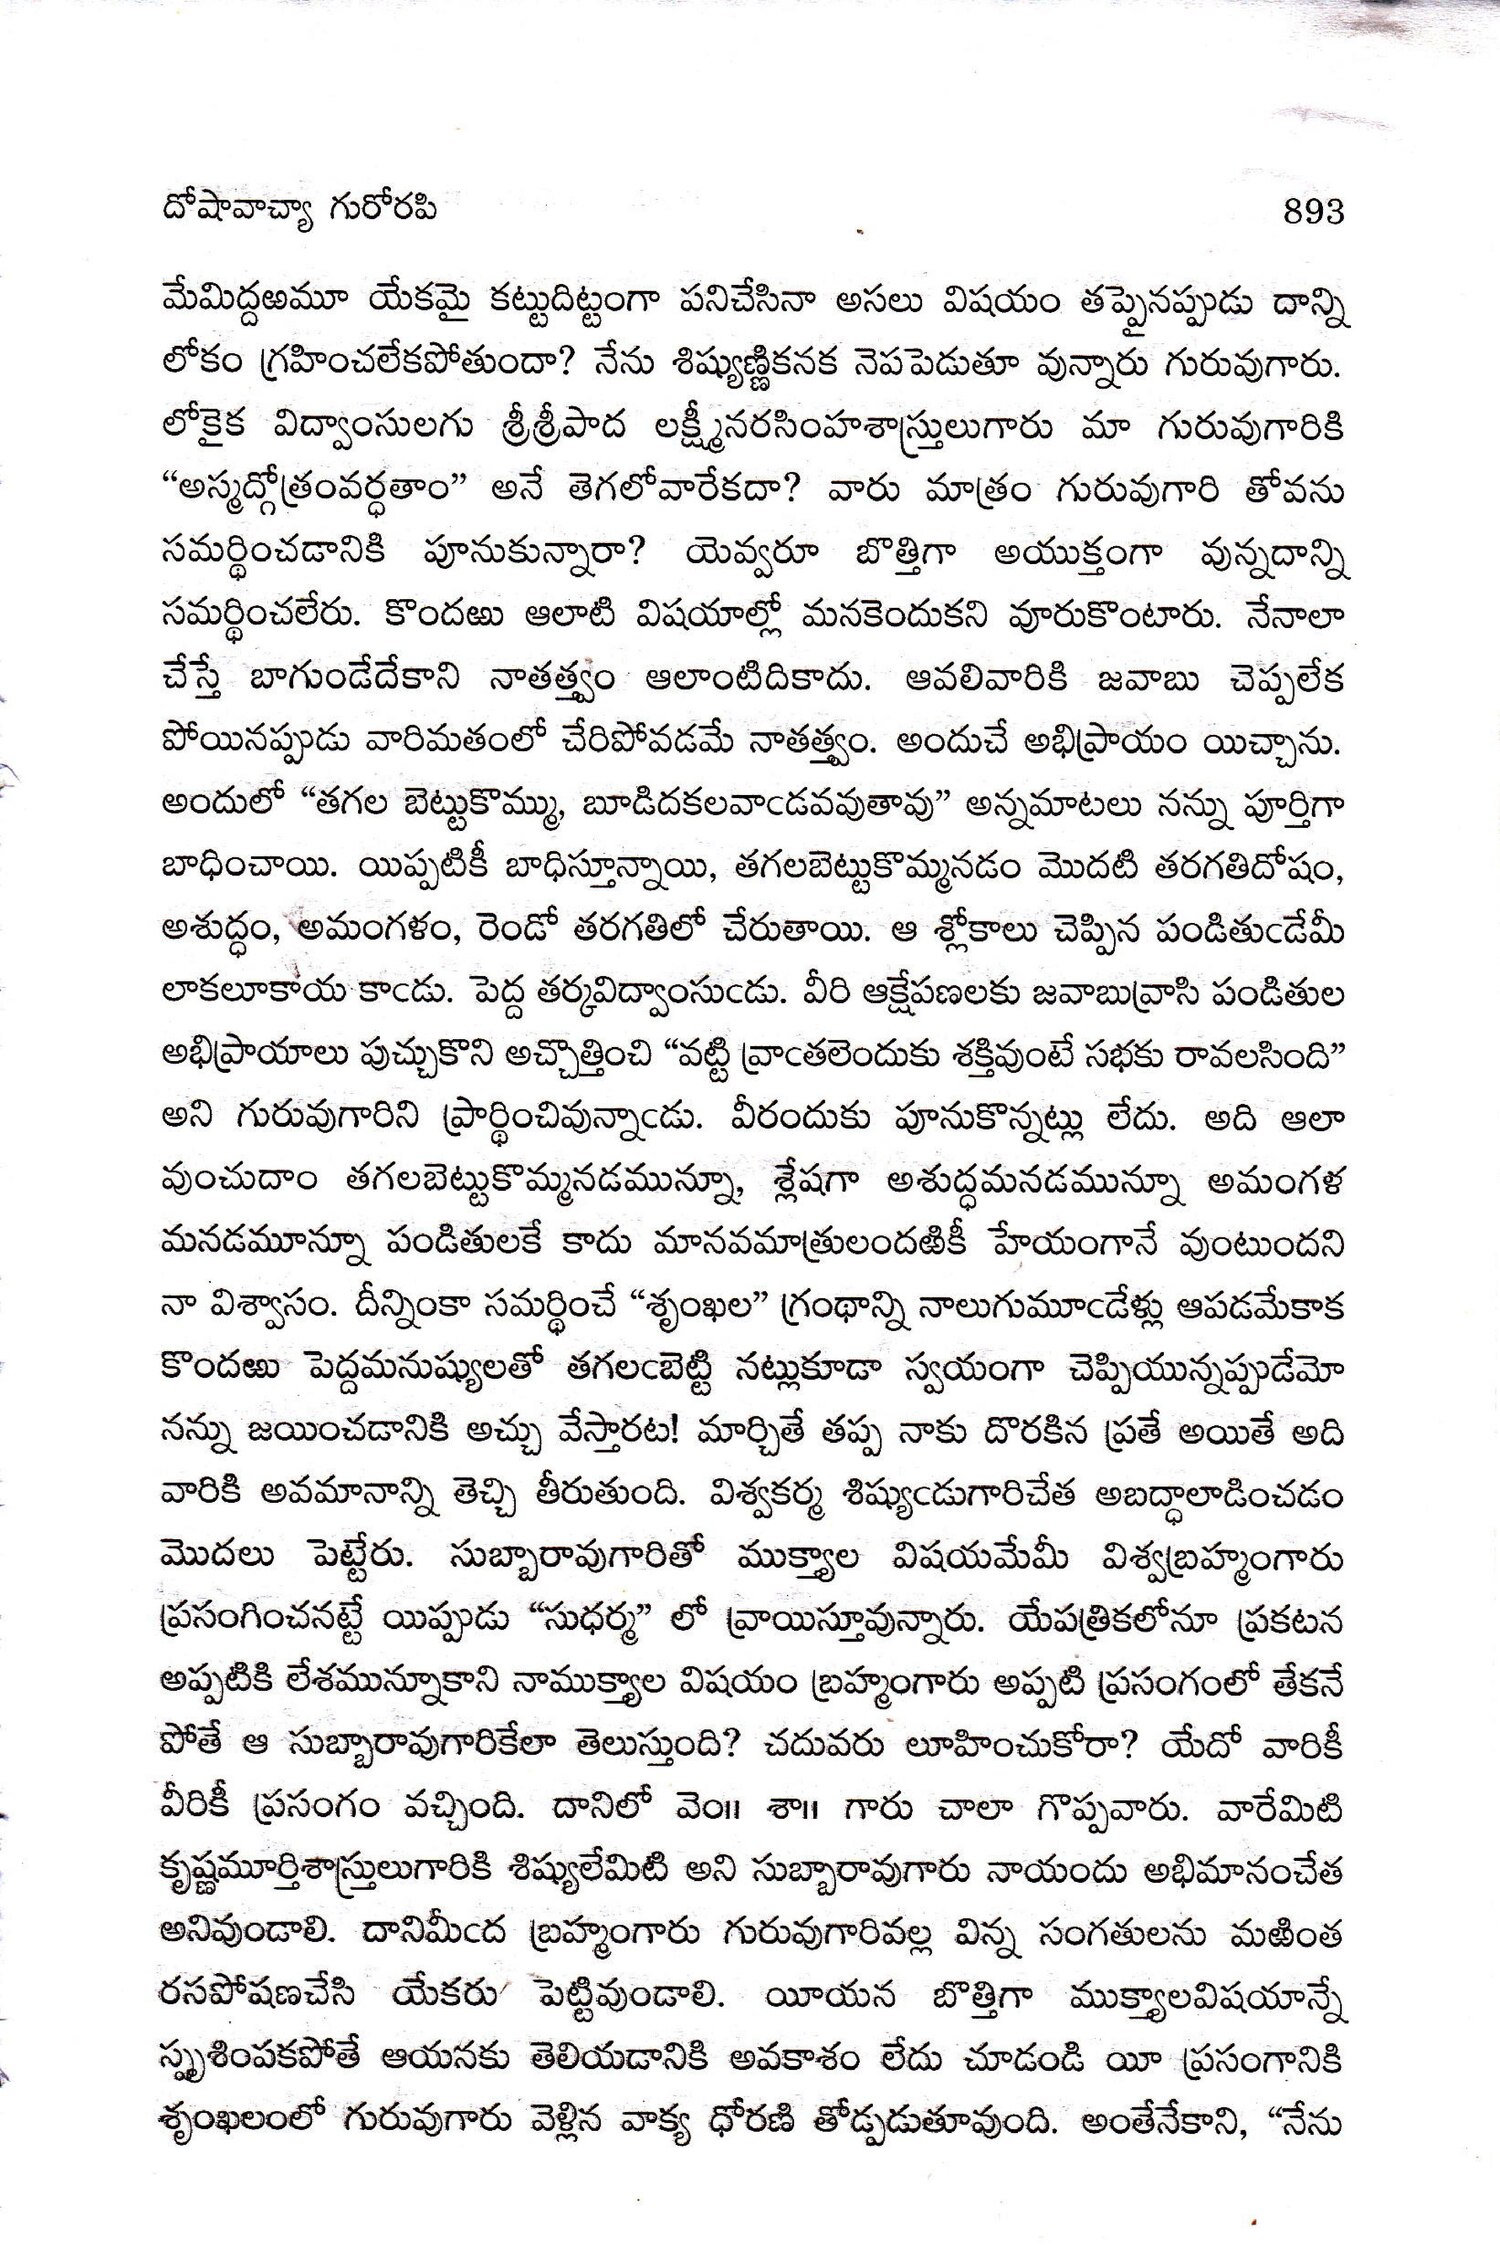మేమిద్దఱమూ యేకమై కట్టుదిట్టంగా పనిచేసినా అసలు విషయం తప్పైనప్పుడు దాన్ని లోకం గ్రహించలేకపోతుందా? నేను శిష్యుణ్ణికనక నెపపెడుతూ వున్నారు గురువుగారు. లోకైక విద్వాంసులగు శ్రీశ్రీపాద లక్ష్మీనరసింహశాస్త్రులుగారు మా గురువుగారికి “అస్మద్గోత్రంవర్థతాం” అనే తెగలోవారేకదా? వారు మాత్రం గురువుగారి తోవను సమర్థించడానికి పూనుకున్నారా? యెవ్వరూ బొత్తిగా అయుక్తంగా వున్నదాన్ని సమర్ధించలేరు. కొందఱు ఆలాటి విషయాల్లో మనకెందుకని వూరుకొంటారు. నేనాలా చేస్తే బాగుండేదేకాని నాతత్త్వం ఆలాంటిదికాదు. ఆవలివారికి జవాబు చెప్పలేక పోయినప్పుడు వారిమతంలో చేరిపోవడమే నాతత్త్వం. అందుచే అభిప్రాయం యిచ్చాను. అందులో “తగల బెట్టుకొమ్ము, బూడిదకలవాడవవుతావు” అన్నమాటలు నన్ను పూర్తిగా బాధించాయి. యిప్పటికీ బాధిస్తూన్నాయి, తగలబెట్టుకొమ్మనడం మొదటి తరగతిదోషం, అశుద్ధం, అమంగళం, రెండో తరగతిలో చేరుతాయి. ఆ శ్లోకాలు చెప్పిన పండితుఁడేమీ లాకలూకాయ కాఁడు. పెద్ద తర్కవిద్వాంసుఁడు. వీరి ఆక్షేపణలకు జవాబువ్రాసి పండితుల అభిప్రాయాలు పుచ్చుకొని అచ్చొత్తించి "వట్టి వ్రాఁతలెందుకు శక్తివుంటే సభకు రావలసింది" అని గురువుగారిని ప్రార్ధించివున్నాఁడు. వీరందుకు పూనుకొన్నట్లు లేదు. అది ఆలా వుంచుదాం తగలబెట్టుకొమ్మనడమున్నూ, శ్లేషగా అశుద్ధమనడమున్నూ అమంగళ మనడమూన్నూ పండితులకే కాదు మానవమాత్రులందఱికీ హేయంగానే వుంటుందని నా విశ్వాసం. దీన్నింకా సమర్థించే “శృంఖల" గ్రంథాన్ని నాలుగుమూఁడేళ్లు ఆపడమేకాక కొందఱు పెద్దమనుష్యులతో తగలఁబెట్టి నట్లుకూడా స్వయంగా చెప్పియున్నప్పుడేమో నన్ను జయించడానికి అచ్చు వేస్తారట! మార్చితే తప్ప నాకు దొరకిన ప్రతే అయితే అది వారికి అవమానాన్ని తెచ్చి తీరుతుంది. విశ్వకర్మ శిష్యుఁడుగారిచేత అబద్ధాలాడించడం మొదలు పెట్టేరు. సుబ్బారావుగారితో ముక్త్యాల విషయమేమీ విశ్వబ్రహ్మంగారు ప్రసంగించనట్టే యిప్పుడు "సుధర్మ" లో వ్రాయిస్తూవున్నారు. యేపత్రికలోనూ ప్రకటన అప్పటికి లేశమున్నూకాని నాముక్త్యాల విషయం బ్రహ్మంగారు అప్పటి ప్రసంగంలో తేకనే పోతే ఆ సుబ్బారావుగారికేలా తెలుస్తుంది? చదువరు లూహించుకోరా? యేదో వారికీ వీరికీ ప్రసంగం వచ్చింది. దానిలో వెంll శాII గారు చాలా గొప్పవారు. వారేమిటి కృష్ణమూర్తిశాస్త్రులుగారికి శిష్యులేమిటి అని సుబ్బారావుగారు నాయందు అభిమానంచేత అనివుండాలి. దానిమీఁద బ్రహ్మంగారు గురువుగారివల్ల విన్న సంగతులను మఱింత రసపోషణచేసి యేకరు పెట్టివుండాలి. యీయన బొత్తిగా ముక్త్యాలవిషయాన్నే సృశింపకపోతే ఆయనకు తెలియడానికి అవకాశం లేదు చూడండి యీ ప్రసంగానికి శృంఖలంలో గురువుగారు వెళ్లిన వాక్య ధోరణి తోడ్పడుతూవుంది. అంతేనేకాని, “నేను